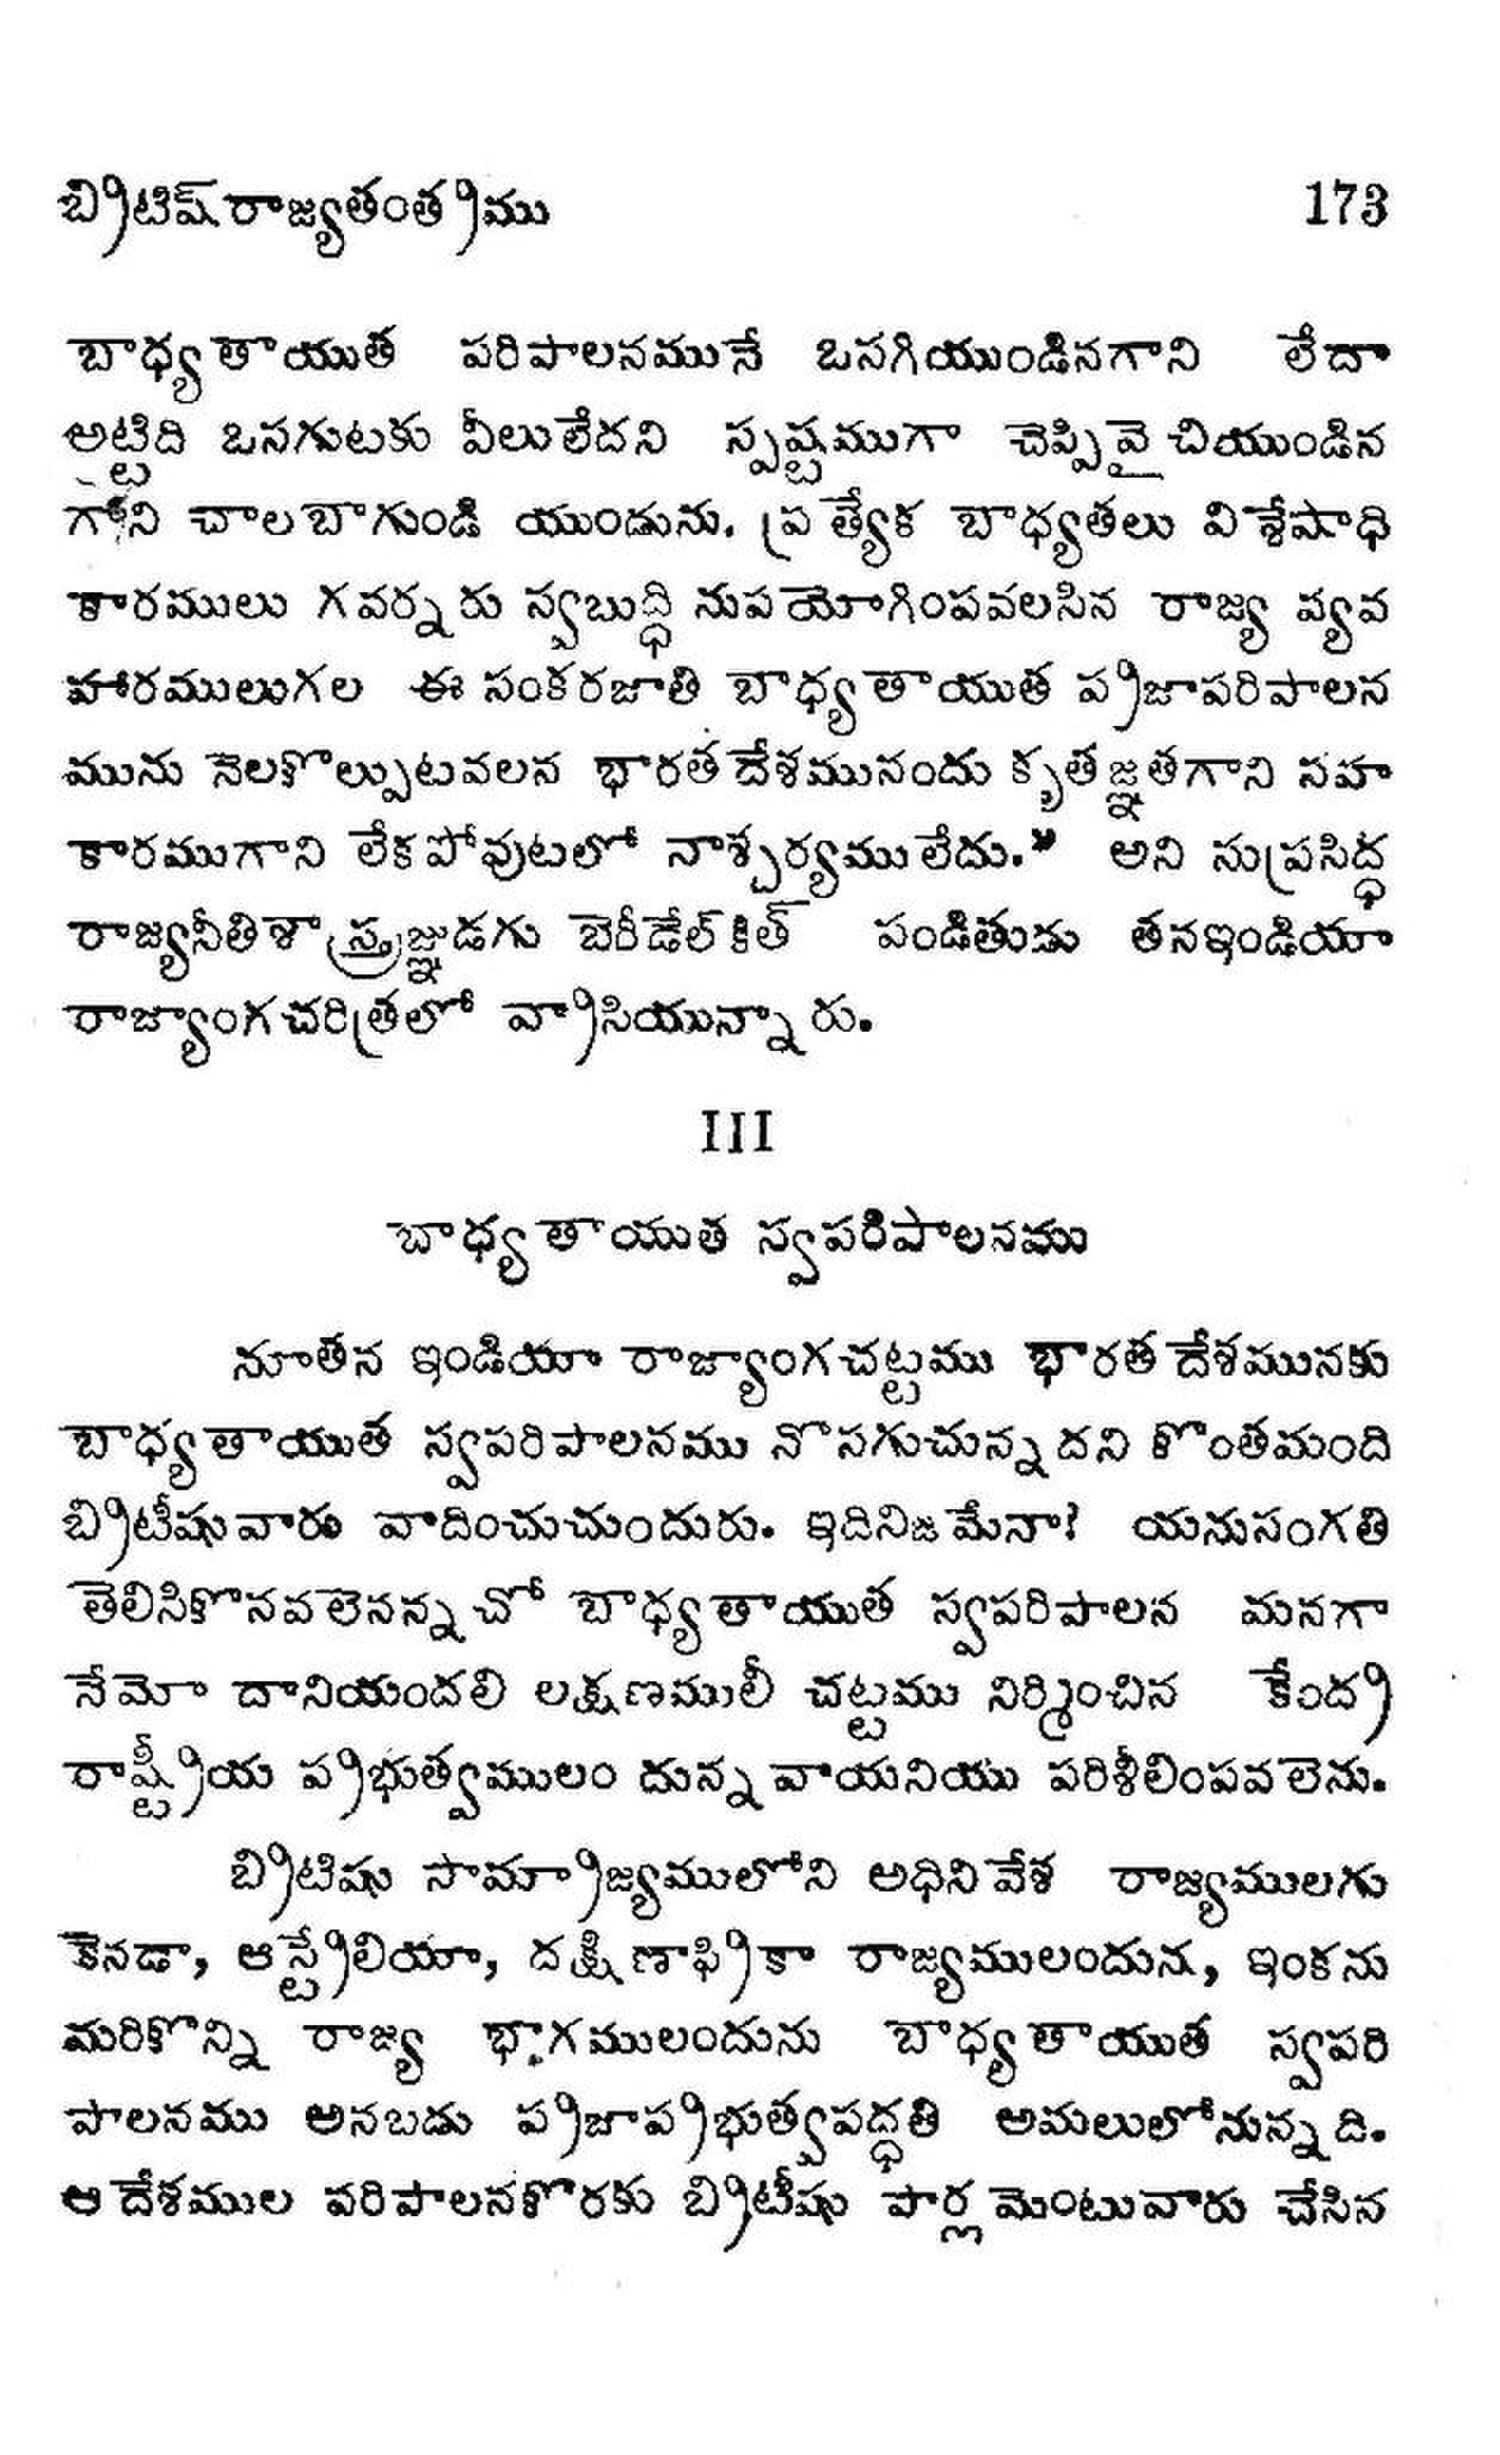బాధ్యతాయుత పరిపాలనమునే ఒసగియుండినగాని లేదా అట్టిది ఒసగుటకు వీలులేదని స్పష్టముగా చెప్పివైచియుండిన గాని చాలబాగుండి యుండును. ప్రత్యేక బాధ్యతలు విశేషాధికారములు గవర్నరు స్వబుద్ది నుపయోగింపవలసిన రాజ్య వ్యవహారములుగల ఈ సంకరజాతి బాధ్యతాయుత ప్రజాపరిపాలనమును నెలకొల్పుటవలన భారతదేశమునందు కృతజ్ఞతగాని సహకారముగాని లేకపోవుటలో నాశ్చర్యములేదు.” అని సుప్రసిద్ధ రాజ్యనీతిశాస్త్రజ్ఞుడగు బెరీడేల్‌కిత్ పండితుడు తనఇండియా రాజ్యాంగచరిత్రలో వ్రాసియున్నారు.

III 
బాధ్యతాయుత స్వపరిపాలనము 

నూతన ఇండియా రాజ్యాంగచట్టము భారతదేశమునకు బాధ్యతాయుత స్వపరిపాలనము నొసగుచున్నదని కొంతమంది బ్రిటీషువారు వాదించుచుందురు. ఇదినిజమేనా! యనుసంగతి తెలిసికొనవలెనన్నచో బాధ్యతాయుత స్వపరిపాలన మనగా నేమో దానియందలి లక్షణములీ చట్టము నిర్మించిన కేందరాష్ట్రీయ ప్రభుత్వములం దున్నవాయనియు పరిశీలింపవలెను.

బిటిషు సామ్రాజ్యములోని అధినివేశ రాజ్యములగు కెనడా, ఆస్ట్రేలియా, దక్షిణాఫ్రికా రాజ్యములందును, ఇంకను మరికొన్ని రాజ్య భాగములందును బాధ్యతాయుత స్వపరిపాలనము అనబడు ప్రజాప్రభుత్వపద్ధతి అమలులోనున్నది. ఆ దేశముల వరిపాలనకొరకు బ్రిటీషు పార్లమెంటువారు చేసిన